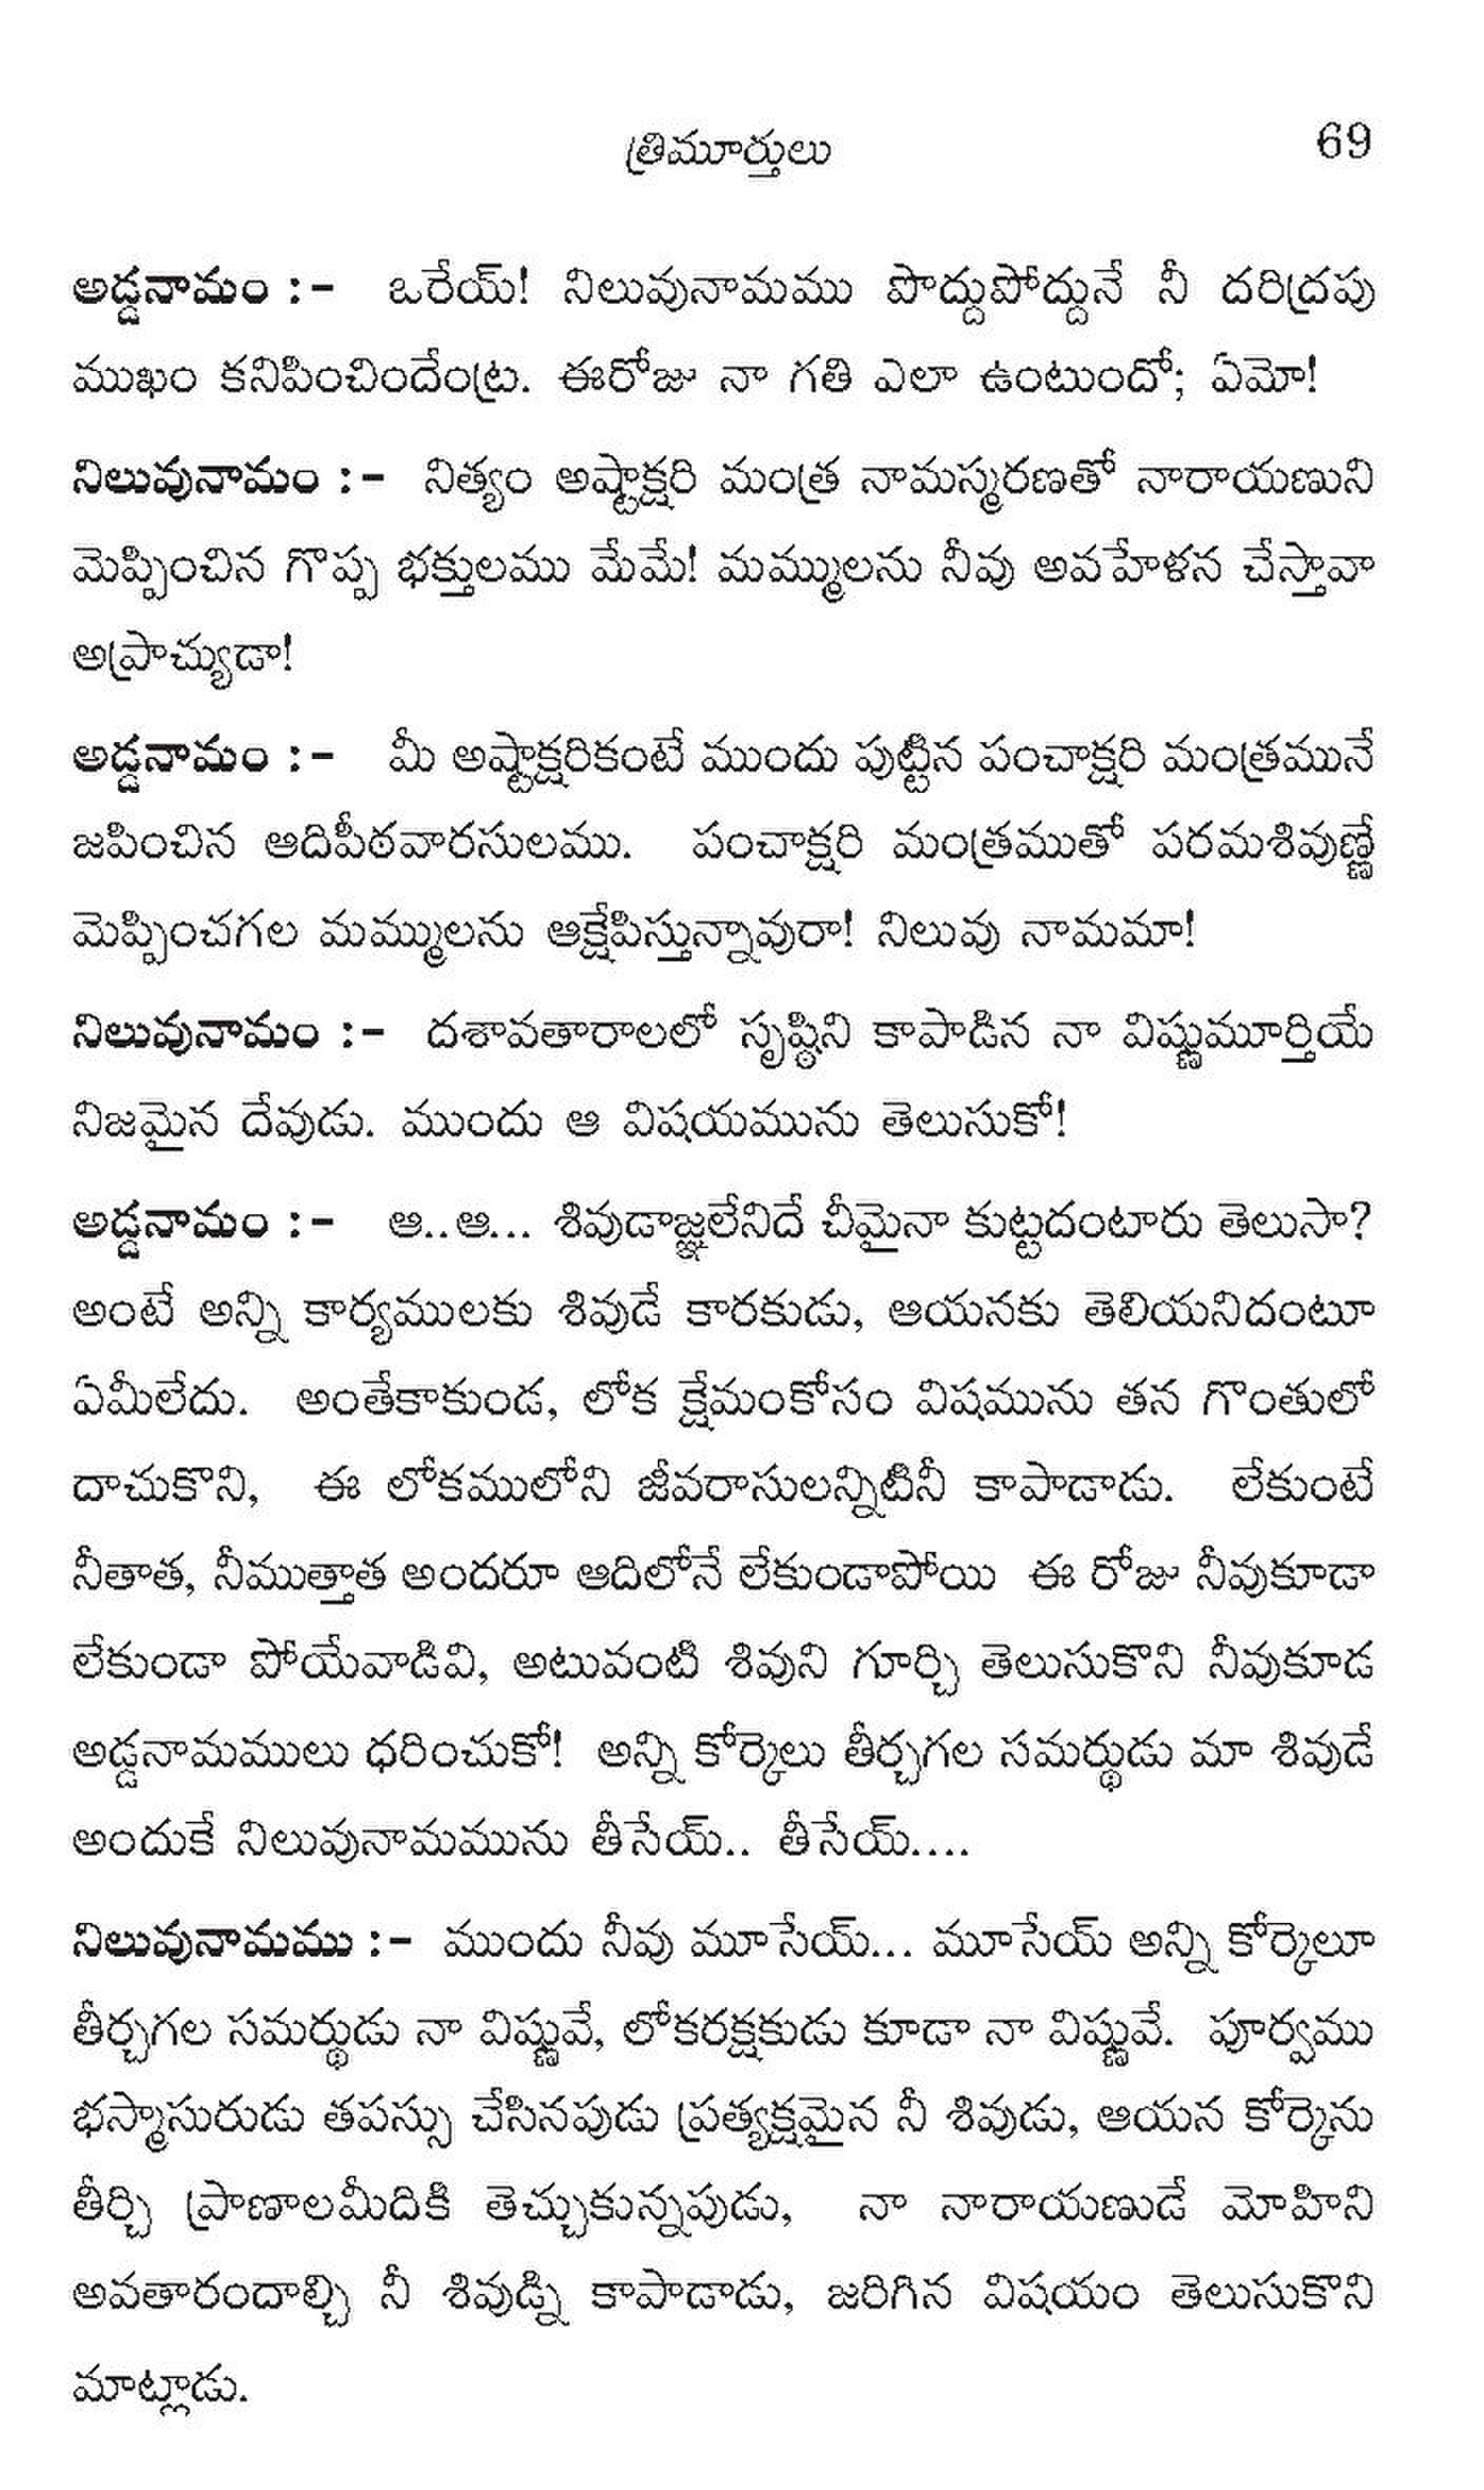అడ్డనామం :- ఒరేయ్‌! నిలువునామము పొద్దుపోద్దునే నీ దరిద్రపు ముఖం కనిపించిందేంట్ర. ఈరోజు నా గతి ఎలా ఉంటుందో; ఏమో!

నిలువునామం :- నిత్యం అష్టాక్షరి మంత్ర నామస్మరణతో నారాయణుని మెప్పించిన గొప్ప భక్తులము మేమే! మమ్ములను నీవు అవహేళన చేస్తావా అప్రాచ్యుడా!

అడ్డనామం :- మీ అష్టాక్షరికంటే ముందు పుట్టిన పంచాక్షరి మంత్రమునే జపించిన ఆదిపీఠవారసులము. పంచాక్షరి మంత్రముతో పరమశివుణ్ణే మెప్పించగల మమ్ములను ఆక్షేపిస్తున్నావురా! నిలువు నామమా!

నిలువునామం :- దశావతారాలలో సృష్ఠిని కాపాడిన నా విష్ణుమూర్తియే నిజమైన దేవుడు. ముందు ఆ విషయమును తెలుసుకో!

అడ్డనామం :- ఆ..ఆ... శివుడాజ్ఞలేనిదే చీమైనా కుట్టదంటారు తెలుసా? అంటే అన్ని కార్యములకు శివుడే కారకుడు, ఆయనకు తెలియనిదంటూ ఏమీలేదు. అంతేకాకుండ, లోక క్షేమంకోసం విషమును తన గొంతులో దాచుకొని, ఈ లోకములోని జీవరాసులన్నిటినీ కాపాడాడు. లేకుంటే నీతాత, నీముత్తాత అందరూ ఆదిలోనే లేకుండాపోయి ఈ రోజు నీవుకూడా లేకుండా పోయేవాడివి, అటువంటి శివుని గూర్చి తెలుసుకొని నీవుకూడ అడ్డనామములు ధరించుకో! అన్ని కోర్కెలు తీర్చగల సమర్థుడు మా శివుడే అందుకే నిలువునామమును తీసేయ్‌.. తీసేయ్‌.... 

నిలువునామము :- ముందు నీవు మూసేయ్‌... మూసేయ్‌ అన్ని కోర్కెలూ తీర్చగల సమర్థుడు నా విష్ణువే, లోకరక్షకుడు కూడా నా విష్ణువే. పూర్వము భస్మాసురుడు తపస్సు చేసినపుడు ప్రత్యక్షమైన నీ శివుడు, ఆయన కోర్కెను తీర్చి ప్రాణాలమీదికి తెచ్చుకున్నపుడు, నా నారాయణుడే మోహిని అవతారందాల్చి నీ శివుడ్ని కాపాడాడు, జరిగిన విషయం తెలుసుకొని మాట్లాడు.